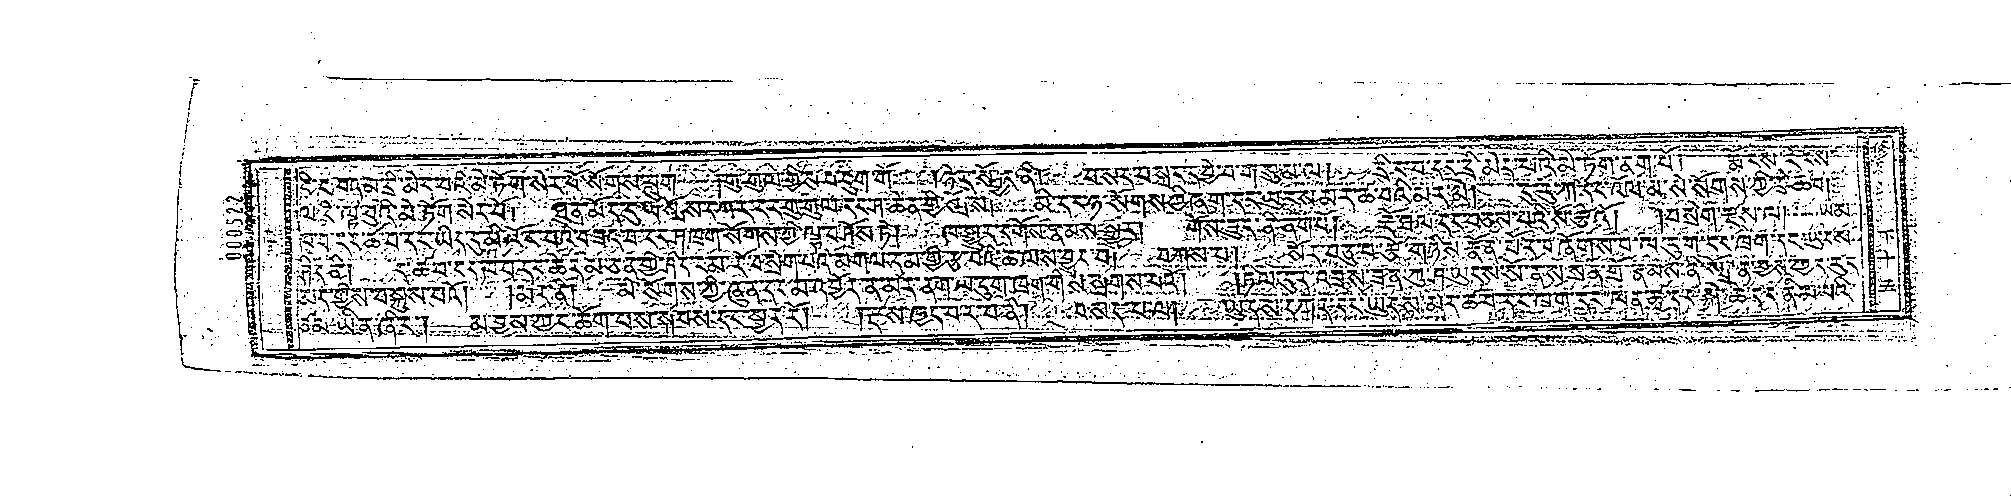ངི་ང་བའམ་དྲི་མེད་པའི་མེ་ཏོག་སེར་པོ་སོགས་བླུག །གུ་གུལ་གྱིས་བདུག་གོ །ཉེར་སྤྱོད་ནི། བསང་བསྐྲད་དབྱེ་བ་གསུམ་ལ། དྲིང་བ་དང་དྲི་མེད་པའི་མེ་ཏོག་ནག་པོ། རྨོངས་རེངས་
ལ་དེ་ལྟ་བུའི་མེ་ཏོག་སེར་པོ། ཐུན་མོང་དུ་ཡ་སྤོས་དཀར་དང་གུ་གུལ་དང་ཤ་ཆེན་གྱི་སྤོས། མི་དང་ཉ་སོགས་ཀྱི་ཞག་དང་ཡུངས་མར་ཚ་བའི་མར་མེ། དུ་རུ་ཀ་དང་འོལ་མ་སེ་སོགས་ཀྱི་དྲི་ཆབ།
ཁ་བ་དང་ཚ་བ་དང་ཡིད་དུ་མི་འོང་བའི་བཟའ་བ་དང་ཤ་ཁྲག་སོགས་ཀྱི་ལྷ་བཤོས་ཏེ། ཁ་སྒྱུར་དགོས་རྣམས་སྒྱུར། གོས་ཟུང་ནི་ནག་པོ། རྡོ་ཐལ་དང་བཅས་པའི་སོ་རྩིའོ། །བསྲེག་རྫས་ལ། ཡམ་
ཤིང་ནི། ར་ཚ་བ་དང་ཁ་བ་དང་ཚེར་མ་ཅན་གྱི་ཤིང་ངམ་རོ་བསྲེག་པའི་མགལ་དུམ་གྱི་རྩ་བའི་ཆ་ལས་བྱུང་བ། བཀས་པ། སོར་བཅུ་པ་རྩོ་གཉིས་རྣོན་པོར་བཞོགས་པ་ལ་དུག་དང་ཁྲག་དང་ཡུངས་
མར་གྱིས་བསྐུས་པའོ། །མར་ནི། མི་སོགས་ཀྱི་ཞུན་དང་མ་འབྱོར་ན་མེར་ནག་ལ་དུག་ཁྲག་གིས་སྤགས་པའོ། །ཏིལ་དུར་འབྲས་ཟན་ཀུ་ཤ་ཡུངས་སོ་ནས་སྲན་གྲོ་རྣམས་ནི་སྤྲོ་ན་བྱས་ཀྱང་རུང་
ཙམ་ཡིན་ཞིང་། མ་བྱས་ཀྱང་ཆོག་པས་སྐབས་དང་སྦྱར་རོ། །རྫས་ཁྱད་པར་བ་ནི། བསང་པ་ལ། ཡུངས་དཀར་དང་ཡུངས་མར་ཚེ་བ་དང་ཁྲག་དང་ལན་ཚྭ་དང་སྐེ་ཚེ་དང་ནིམ་པའི་